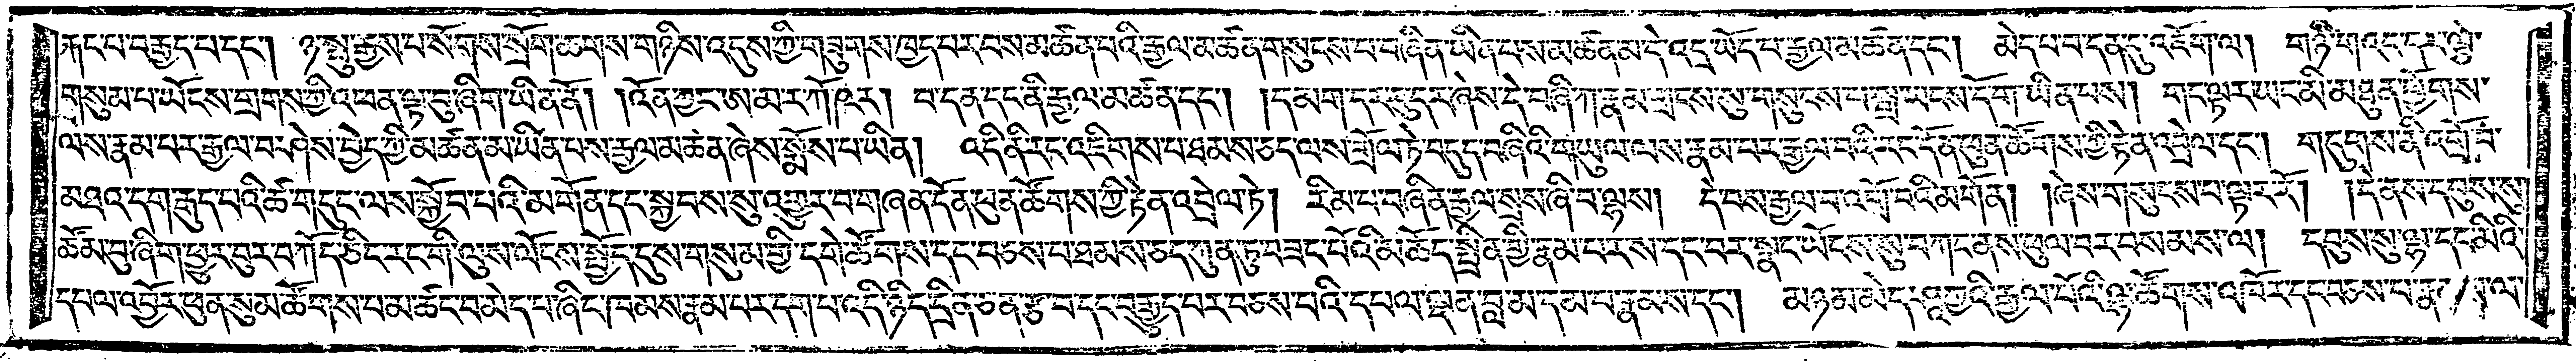རྐང་པ་བརྒྱད་བ་དང་། ཉ་སྤུ་རྒྱས་པ་སོགས་སྲོག་ཆགས་གཉིས་འདུས་ཀྱི་གཟུགས་ཁྱད་བར་བས་མཚན་བའི་རྒྱལ་མཚན་གསུངས་པ་བཞིན་ཡིན་པས་མཚན་མ་དེ་འདྲ་ཡོད་པ་རྒྱལ་མཚན་དང་། མེད་པ་བ་དན་དུ་འཇོག་ལ། གཉི་གའང་དར་ལྕེ་
གསུམ་པ་ཡོངས་གྲགས་ཀྱི་འཕན་ལྟ་བུ་ཞིག་ཡིན་ནོ། །འོན་ཀྱང་ཨ་མར་ཀོཥར། བ་དན་དང་ནི་རྒྱལ་མཚན་དང་། །དམག་དར་རུ་དར་ཞེས་དེ་བཞི་ཀ་རྣམ་གྲངས་སུ་གསུངས་པ་སྒྲ་ཡངས་དོག་ཡིན་པས། གང་ལྟར་ཡང་མི་མཐུན་ཕྱོགས་
ལས་རྣམ་པར་རྒྱལ་བ་ཤེས་བྱེད་ཀྱི་མཚན་མ་ཡིན་པས་རྒྱལ་མཆེན་ཞེས་སྨོས་པ་ཡིན། འདི་ནི་རང་འཇིགས་པ་ཐམས་ཅད་ལས་གྲོལ་ཏེ་བདུད་བཞིའི་གཡུལ་ལས་རྣམ་པར་རྒྱལ་བའི་རང་དོན་ཕུན་ཚོགས་ཀྱི་རྟེན་འབྲེལ་དང་། གདུགས་ནི་འགྲོ་བ་
མཐའ་དག་རྒུད་པའི་ཚ་གདུང་ལས་སྐྱོབ་པའི་མགོན་དང་སྐྱབས་སུ་འགྱུར་བ་གཞན་དོན་ཕུན་ཚོགས་ཀྱི་རྟེན་འབྲེལ་ཏེ། རིམ་པ་བཞིན་རྒྱལ་སྲས་ཞི་བ་ལྷས། དེ་བས་རྒྱལ་བ་འགྲོ་བའི་མགོན། །ཞེས་གསུངས་བ་ལྟར་རོ། །དེ་ནས་དབུས་སུ་
ཚེམ་བུ་ཞིག་ཕྱུར་བུར་བཀོད་ཅིང་རང་གི་ལུས་ལོངས་སྤྱོད་དུས་གསུམ་གྱི་དགེ་ཚོགས་དང་བཅས་པ་ཐམས་ཅད་ཀུན་ཏུ་བཟང་པོའི་མཆོད་སྤྲིན་གྱི་རྣམ་པར་ས་དང་བར་སྣང་ཡོངས་སུ་བཀང་ནས་ཕུལ་བར་བསམས་ལ། དབུས་སུ་ལྷ་དང་མིའི་
དཔལ་འབྱོར་ཕུན་སུམ་ཚོགས་པ་མ་ཚང་བ་མེད་བ་ཞིང་ཁམས་རྣམ་པར་དག་པ་འདི་ཉིད་དྲིན་ཅན་རྩ་བ་དང་བརྒྱུད་པར་བཅས་པའི་དཔལ་ལྡན་བླ་མ་དམ་པ་རྣམས་དང་། མཉམ་མེད་ཤཱཀྱའི་རྒྱལ་པོའི་ལྷ་ཚོགས་འཁོར་དང་བཅས་པ་རྣམས་ལ་